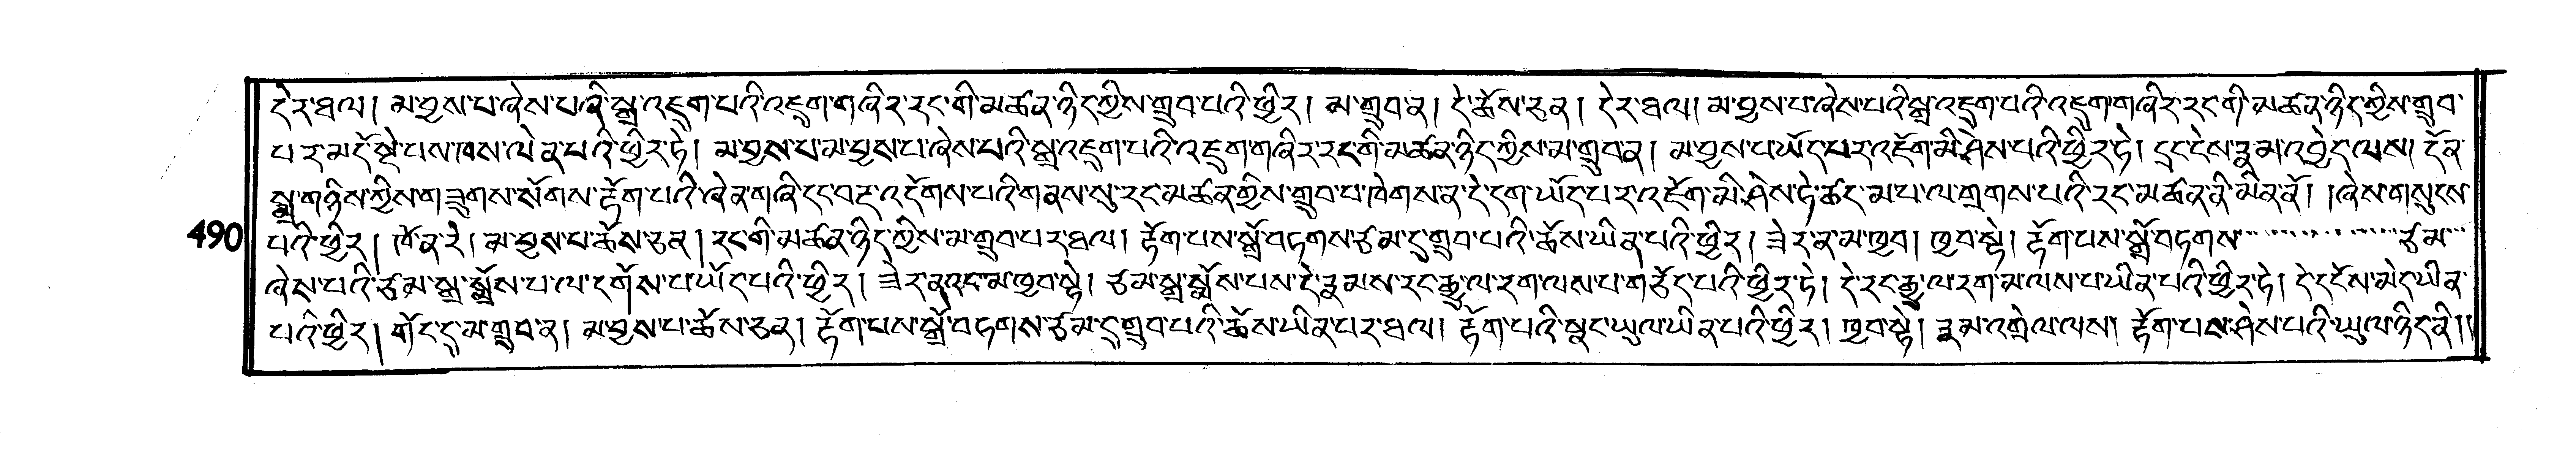དེར་ཐལ། མ་བྱས་པ་ཞེས་བཞི་སྒྲ་འཇུག་པའི་འཇུག་གཞིར་རང་གི་མཚན་ཉིད་ཀྱིས་གྲུབ་པའི་ཕྱིར། མ་གྲུབ་ན། དེ་ཆོས་ཅན། དེར་ཐལ། མ་བྱས་པ་ཞེས་པའི་སྒྲ་འཇུག་པའི་འཇུག་གཞིར་རང་གི་མཚན་ཉིད་ཀྱིས་གྲུབ་
པར་མདོ་སྡེ་པས་ཁས་ལེན་པའི་ཕྱིར་ཏེ། མ་བྱས་པ་མ་བྱས་པ་ཞེས་པའི་སྒྲ་འཇུག་པའི་འཇུག་གཞིར་རང་གི་མཚན་ཉིད་ཀྱིས་མ་གྲུབ་ན། མ་བྱས་པ་ཡོད་པར་འཇོག་མི་ཤེས་པའི་ཕྱིར་ཏེ། དྲང་ངེས་རྣམ་འབྱེད་ལས། དོན་
སྨྲ་གཉིས་ཀྱིས་གཟུགས་སོགས་རྟོག་པའི་ཞེན་གཞི་དང་བརྡ་འདོགས་པའི་གནས་སུ་རང་མཚན་གྱིས་གྲུབ་པ་ཁེགས་ན་དེ་དག་ཡོད་པར་འཇོག་མི་ཤེས་ཏེ་ཚད་མ་པ་ལ་གྲགས་པའི་རང་མཚན་ནི་མིན་ནོ། །ཞེས་གསུངས་
པའི་ཕྱིར། ཁོ་ན་རེ། མ་བྱས་པ་ཆོས་ཅན། རང་གི་མཚན་ཉིད་ཀྱིས་མ་གྲུབ་པར་ཐལ། རྟོག་པས་སྒྲོ་བཏགས་ཙམ་དུ་གྲུབ་པའི་ཆོས་ཡིན་པའི་ཕྱིར། ཟེར་ན་མ་ཁྱབ། ཁྱབ་སྟེ། རྟོག་པས་སྒྲོ་བཏགས་ཙམ་
ཞེས་པའི་ཙམ་སྒྲ་སྨྲོས་པ་ལ་དགོས་པ་ཡོད་པའི་ཕྱིར། ཟེར་ནའང་མ་ཁྱབ་སྟེ། ཙམ་སྒྲ་སྨོས་པས་དེ་རྣམས་རང་རྒྱུ་ལ་རག་ལས་པ་གཅོད་པའི་ཕྱིར་ཏེ། དེ་རང་རྒྱུ་ལ་རག་མ་ལས་པ་ཡིན་པའི་ཕྱིར་ཏེ། དེ་དངོས་མེད་ཡིན་
པའི་ཕྱིར། གོང་དུ་མ་གྲུབ་ན། མ་བྱས་པ་ཆོས་ཅན། རྟོག་པས་སྒྲོ་བཏགས་ཙམ་དུ་གྲུབ་པའི་ཆོས་ཡིན་པར་ཐལ། རྟོག་པའི་སྣང་ཡུལ་ཡིན་པའི་ཕྱིར། ཁྱབ་སྟེ། རྣམ་འགྲེལ་ལས། རྟོག་པས་ཤེས་པའི་ཡུལ་ཉིད་ནི།།